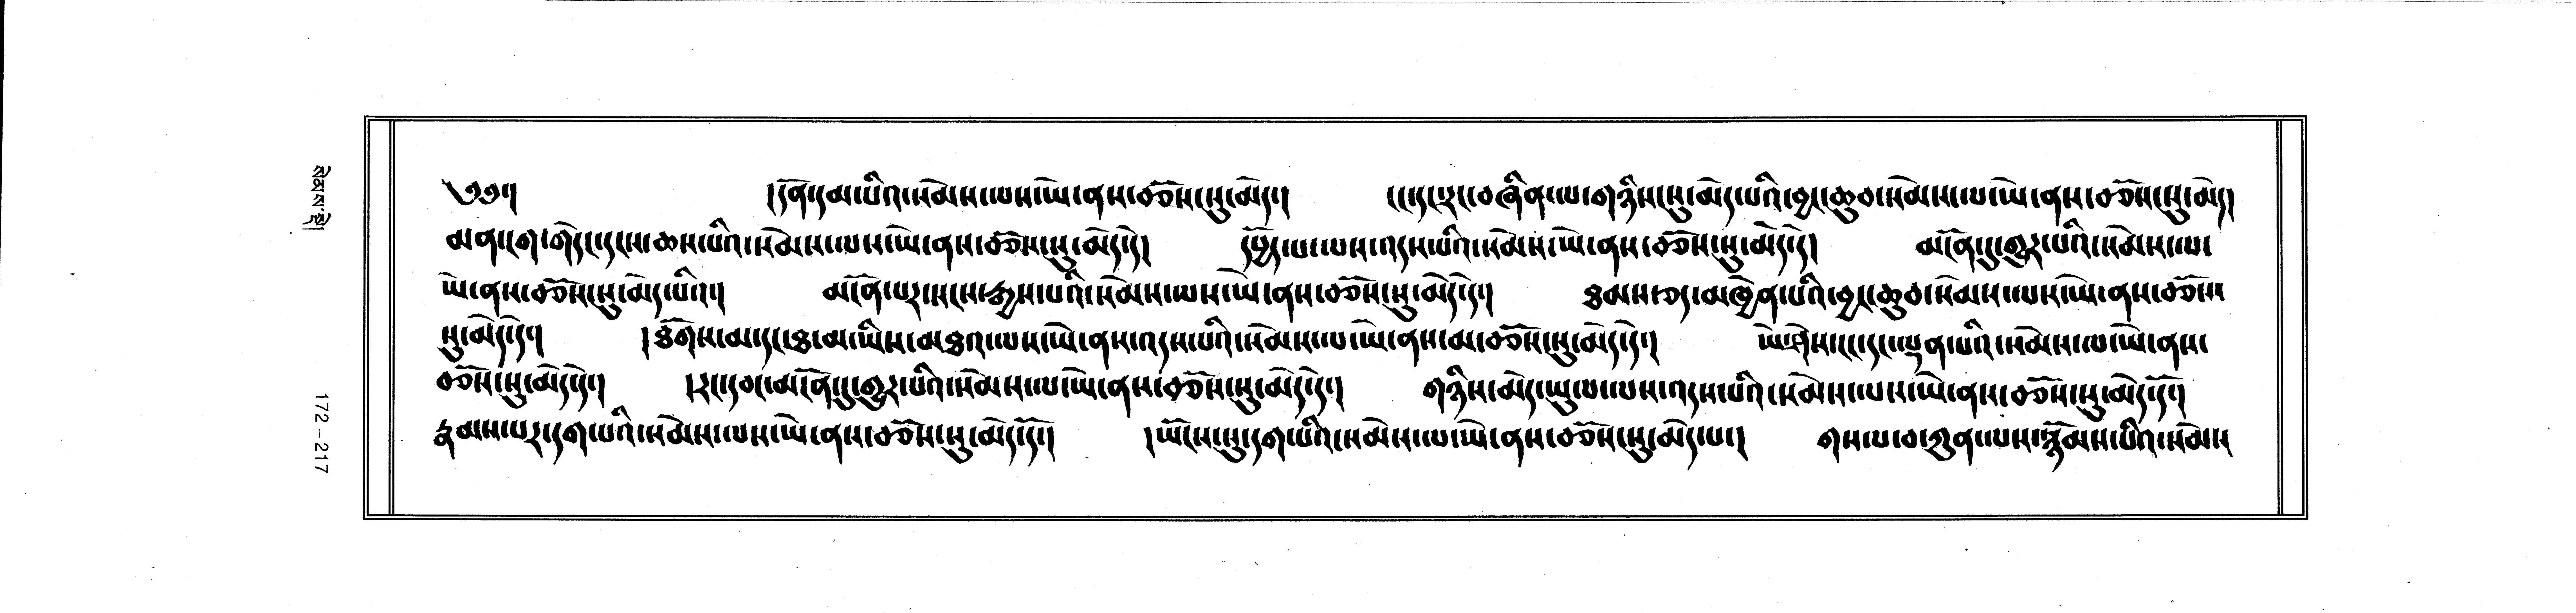དོན་དམ་པའི་སེམས་ལས་ཡེ་ནས་བཅོས་སུ་མེད། ངང་དང་རང་བཞིན་ལ་གཉིས་སུ་མེད་པའི་བྱང་ཆུབ་སེམས་ལ་ཡེ་ནས་བཅོས་སུ་མེད། 
མན་ངག་གདེང་དང་ཆས་པའི་སེམས་ལས་ཡེ་ནས་བཅོས་སུ་མེད་དེ། དཔྱོད་པ་ལས་འདས་པའི་སེམས་ཡེ་ནས་བཅོས་སུ་མེད་དེ། མངོན་དུ་གྱུར་པའི་སེམས་ལ་
ཡེ་ནས་བཅོས་སུ་མེད་པའི། མངོན་པར་སངས་རྒྱས་པའི་སེམས་ལས་ཡེ་ནས་བཅོས་སུ་མེད་དེ། ཐམས་ཅད་མཁྱེན་པའི་བྱང་ཆུབ་སེམས་ལས་ཡེ་ནས་བཅོས་
སུ་མེད་དེ། ཐོགས་མ་དང་ཐ་མ་ཡིས་མཐའ་ལས་ཡེ་ནས་འདས་པའི་སེམས་ལ་ཡེ་ནས་མ་བཅོས་སུ་མེད་དེ། ཡེ་ཤེས་ངང་དང་ལྡན་པའི་སེམས་ལ་ཡེ་ནས་
བཅོས་སུ་མེད་དེ། རང་དབང་མངོན་དུ་གྱུར་པའི་སེམས་ལ་ཡེ་ནས་བཅོས་སུ་མེད་དེ། གཉིས་མེད་ཡུལ་ལས་འདས་པའི་སེམས་ལས་ཡེ་ནས་བཅོས་སུ་མེད་དོ། 
རྣམ་པར་དག་པའི་སེམས་ལས་ཡེ་ནས་བཅོས་སུ་མེད་དོ། ཡོངས་སུ་དག་པའི་སེམས་ལ་ཡེ་ནས་བཅོས་སུ་མེད་པས། གསལ་བ་ཀུན་ལས་སྙོམས་པའི་སེམས་